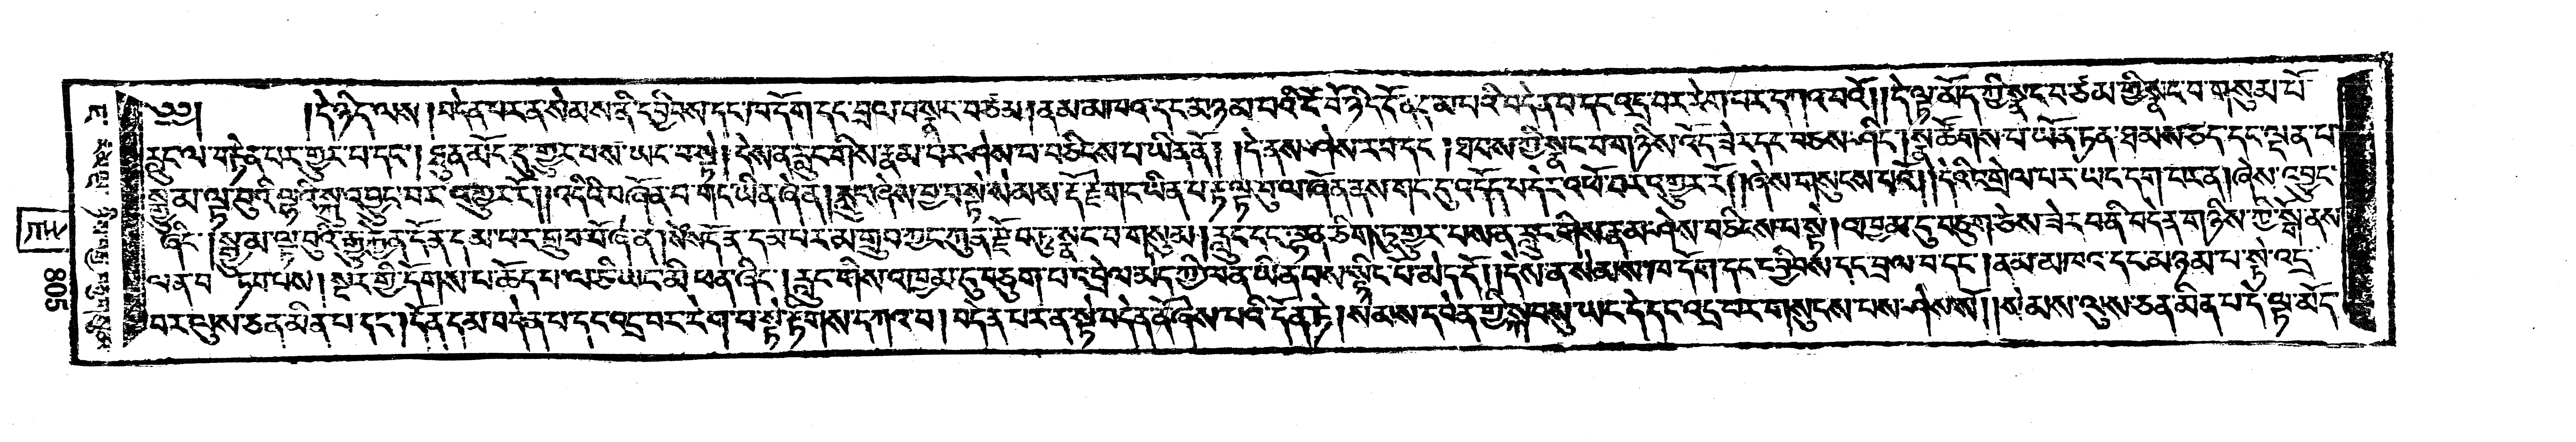༄༅། །དེ་ཉིད་ལས། བདེན་པར་ན་སེམས་ནི་དབྱིབས་དང་ཁ་དོག་དང་བྲལ་བ་སྣང་བ་ཙམ། ནམ་མཁའ་དང་མཉམ་པའི་ངོ་བོ་ཉིད་དོན་དམ་པའི་བདེན་པ་དང་འདྲ་བར་རེག་པར་དཀའ་བའོ། །དེ་ལྟ་མོད་ཀྱི་སྣང་བ་ཙམ་གྱི་སྣང་བ་གསུམ་པོ་
རླུང་ལ་བརྟེན་པར་གྱུར་པ་དང་། ཐུན་མོང་དུ་གྱུར་པས་ཡང་བ་སྟེ། དེས་ན་རླུང་གིས་རྣམ་པར་ཤེས་པ་བཅིངས་པ་ཡིན་ནོ། །དེ་ནས་ཤེས་རབ་དང་། ཐབས་ཀྱི་སྣང་བ་གཉིས་འོད་ཟེར་དང་བཅས་ཤིང་། སྣ་ཚོགས་པ་ཡོན་ཏན་ཐམས་ཅད་དང་ལྡན་པ་
སྒྱུ་མ་ལྟ་བུའི་ལྷའི་སྐུ་འབྱུང་བར་འགྱུར་རོ། །འདིའི་བཞོན་པ་གང་ཡིན་ཞེ་ན། རླུང་ཞེས་བྱ་བ་སྟེ་སེམས་རྡོ་རྗེ་གང་ཡིན་པ་རྟ་ལྟ་བུ་ལ་ཞོན་ནས་གང་དུ་འདོད་པ་དེར་འཕོ་བར་འགྱུར་རོ། །ཞེས་གསུངས་པའོ། །དེའི་འགྲེལ་པར་ཡང་དག་པར་ན། ཞེས་འབྱུང་
ཞིང་། སྒྱུ་མ་ལྟ་བུའི་རྒྱུ་རྐྱེན་དོན་དམ་པར་གྲུབ་པོ་ཞེ་ན། སེམས་དོན་དམ་པར་མ་གྲུབ་ཀྱང་ཀུན་རྫོབ་ཏུ་སྣང་བ་གསུམ། རླུང་དང་ལྷན་ཅིག་ཏུ་གྱུར་པས་ན་རླུང་གིས་རྣམ་ཤེས་བཅིངས་པ་སྟེ། འཁྱམ་དུ་བཅུག་ཅེས་ཟེར་བ་ནི་བདེན་གཉིས་ཀྱི་སྒོ་ནས་
ལན་བཏབ་པས། སྔར་གྱི་དོགས་པ་ཆོད་པ་ལ་ཅི་ཡང་མི་ཕན་ཞིང་། རླུང་གིས་འཁྱམ་དུ་བཅུག་པ་འབྲེལ་མེད་ཀྱི་ལན་ཡིན་པས་སྙིང་པོ་མེད་དོ། །དེས་ན་སེམས་ཁ་དོག་དང་དབྱིབས་དང་བྲལ་བ་དང་། ནམ་མཁའ་དང་མཉམ་པ་སྟེ་འདྲ་
བར་ལུས་ཅན་མིན་པ་དང་། དོན་དམ་བདེན་པ་དང་འདྲ་བར་རེག་པ་སྟེ་རྟོགས་དཀའ་བ། བདེན་པར་ན་སྟེ་བདེན་ནོ་ཞེས་པའི་དོན་ཏེ། སེམས་དབེན་གྱི་སྐབས་སུ་ཡང་དེ་དང་འདྲ་བར་གསུངས་པས་ཤེས་སོ། །སེམས་ལུས་ཅན་མིན་པ་དེ་ལྟ་མོད་